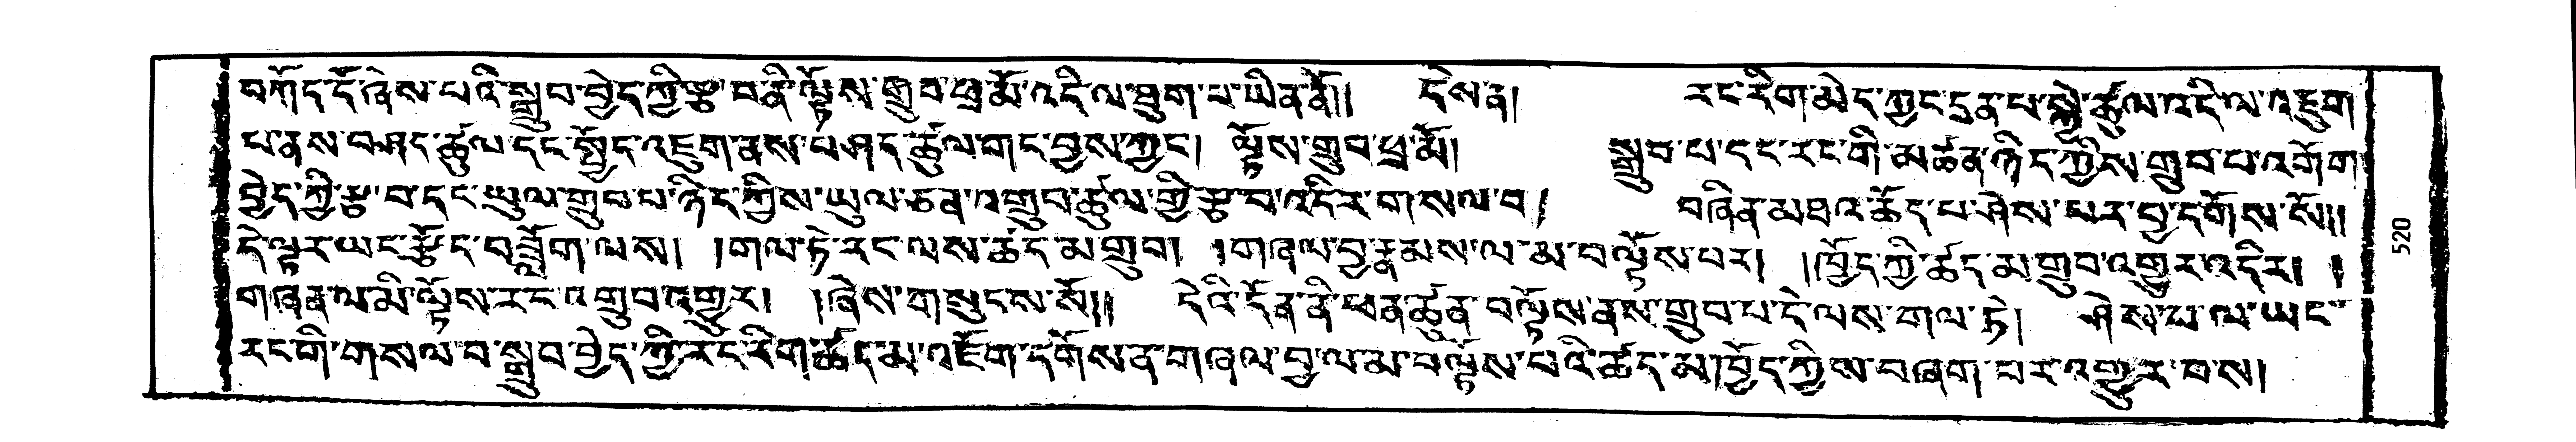བཀོད་དོ་ཞེས་པའི་སྒྲུབ་བྱེད་ཀྱི་རྩ་བ་ནི་ལྟོས་གྲུབ་ཕྲ་མོ་འདི་ལ་ཐུག་པ་ཡིན་ནོ། །དེས་ན། རང་རིག་མེད་ཀྱང་དྲན་པ་སྐྱེ་ཚུལ་འདི་ལ་འཇུག་
པ་ནས་བཤད་ཚུལ་དང་སྤྱོད་འཇུག་ནས་བཤད་ཚུལ་གང་བྱས་ཀྱང་། ལྟོས་གྲུབ་ཕྲ་མོ། སྒྲུབ་པ་དང་རང་གི་མཚན་ཉིད་ཀྱིས་གྲུབ་པ་འགོག་
བྱེད་ཀྱི་རྩ་བ་དང་ཡུལ་གྲུབ་པ་ཉིད་ཀྱིས་ཡུལ་ཅན་འགྲུབ་ཚུལ་གྱི་རྩ་བ་འདིར་གསལ་བ། བཞིན་མཐའ་ཆོད་པ་ཤེས་པར་བྱ་དགོས་སོ། །
དེ་ལྟར་ཡང་རྩོད་བཟློག་ལས། །གལ་ཏེ་རང་ལས་ཚད་མ་གྲུབ། །གཞལ་བྱ་རྣམས་ལ་མ་བལྟོས་པར། །ཁྱོད་ཀྱི་ཚད་མ་གྲུབ་འགྱུར་འདིར། །
གཞན་ལ་མི་ལྟོས་རང་འགྲུབ་འགྱུར། །ཞེས་གསུངས་སོ། །དེའི་དོན་ནི་ཕན་ཚུན་བལྟོས་ནས་གྲུབ་པ་དེ་ལས་གལ་ཏེ། ཤེས་པ་ལ་ཡང་
རང་གི་གསལ་བ་སྒྲུབ་བྱེད་ཀྱི་རང་རིག་ཚད་མ་འཇོག་དགོས་ན་གཞལ་བྱ་ལ་མ་བལྟོས་པའི་ཚད་མ་ཁྱོད་ཀྱིས་བཞག་པར་འགྱུར་བས།